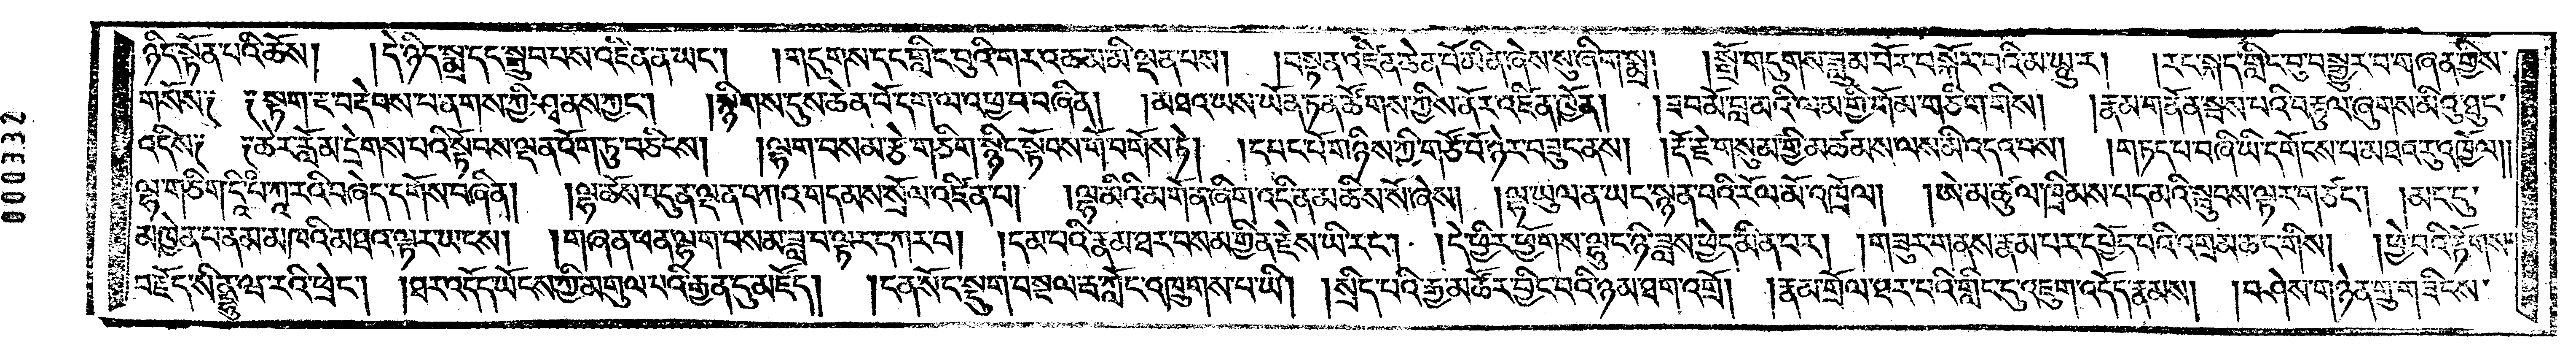ཉིད་སྟོན་པའི་ཆོས། །དེ་ཉིད་སྨྲ་དང་སྒྲུབ་བས་འཛིན་ན་ཡང་། །གདུགས་དང་གླིང་བུའི་གར་འཆམ་མི་ལྡན་པས། །བསྟན་འཛིན་ཆེན་པོ་མིན་ཞེས་སུ་ཞིག་སྨྲ། །སྒྲོ་གདུགས་ཟླུམ་པོར་བསྐོར་བའི་མ་ཡཱུ་ར། །རང་སྐད་གླིང་བུ་བསྒྱུར་བ་གཞན་གྱིས་
གསོས༑ ༑སྟག་རྔ་བརྡེབས་པ་ནགས་ཀྱི་ཤྭ་ནས་ཀྱང་། །སྙིགས་དུས་ཆེན་པོ་དག་ལ་འཕྱ་བ་བཞིན། །མཐའ་ཡས་ཡོན་ཏན་ཚོགས་ཀྱིས་ནོར་འཛིན་ཁྱོན། །ཟབ་མོ་བླ་མའི་ལམ་གྱི་གོམ་གཅིག་གིས། །རྣམ་གནོན་སྤས་པའི་བརྟུལ་ཞུགས་མིའུ་ཐུང་
འདིས༑ ༑ཆེར་རློམ་དྲེགས་པའི་སྟོབས་ལྡན་འོག་ཏུ་བཅིངས། །ལྷག་བསམ་རྩེ་གཅིག་སྙིང་སྟོབས་གོ་བགོས་ཏེ། །དཔང་པོ་གཉིས་ཀྱི་གཙོ་བོ་ཉེར་བཟུང་ནས། །རྡོ་རྗེ་གསུམ་གྱི་མཚམས་ལས་མི་འདའ་བས། །གཏད་པ་བཞི་ཡི་དགོངས་པ་མཐའ་རུ་འཁྱོལ།
ལྷ་གཅིག་དཱི་པཾ་ཀཱ་རའི་བཞེད་དགོས་བཞིན། །ལྷ་ཆོས་བདུན་ལྡན་བཀའ་གདམས་སྲོལ་འཛིན་བ། །ལྷ་མིའི་མགོན་ཞིག་འདི་ན་མཆིས་སོ་ཞེས། །ལྷ་ཡུལ་ན་ཡང་སྙན་པའི་རོལ་མོ་འཁྲོལ། །ཨེ་མ་ཚུལ་ཁྲིམས་པད་མའི་སྦུབས་ལྟར་གཙང་། །མང་དུ་
མཁྱེན་པ་ནམ་མཁའི་མཐའ་ལྟར་ཡངས། །གཞན་ཕན་ལྷག་བསམ་ཟླ་བ་ལྟར་དཀར་བ། །དམ་པའི་རྣམ་ཐར་བསམ་གྱིན་རྗེས་ཡི་རང་། །དེ་ཕྱིར་ཕྱོགས་ལྷུང་ཉི་ཟླས་ཕྱེད་མིན་པར། །གཟུར་གནས་རྣམ་པར་དཔྱོད་པའི་འགྲམ་ཆང་གིས། །ཕྱེ་བའི་རྟོགས་
བརྗོད་སིནྷུ་ཝ་རའི་ཕྲེང་། །ཐར་འདོད་ཡོངས་ཀྱི་མགུལ་པའི་རྒྱན་དུ་མཛོད། །ངན་སོང་སྡུག་བསྔལ་རྦ་ཀློང་འཁྲུགས་པ་ཡི། །སྲིད་པའི་རྒྱ་མཚོར་བྱིང་བའི་ཉམ་ཐག་འགྲོ། །རྣམ་གྲོལ་ཐར་པའི་གླིང་དུ་འཇུག་འདོད་རྣམས། །བཤེས་གཉེན་གྲུ་གཟིངས་